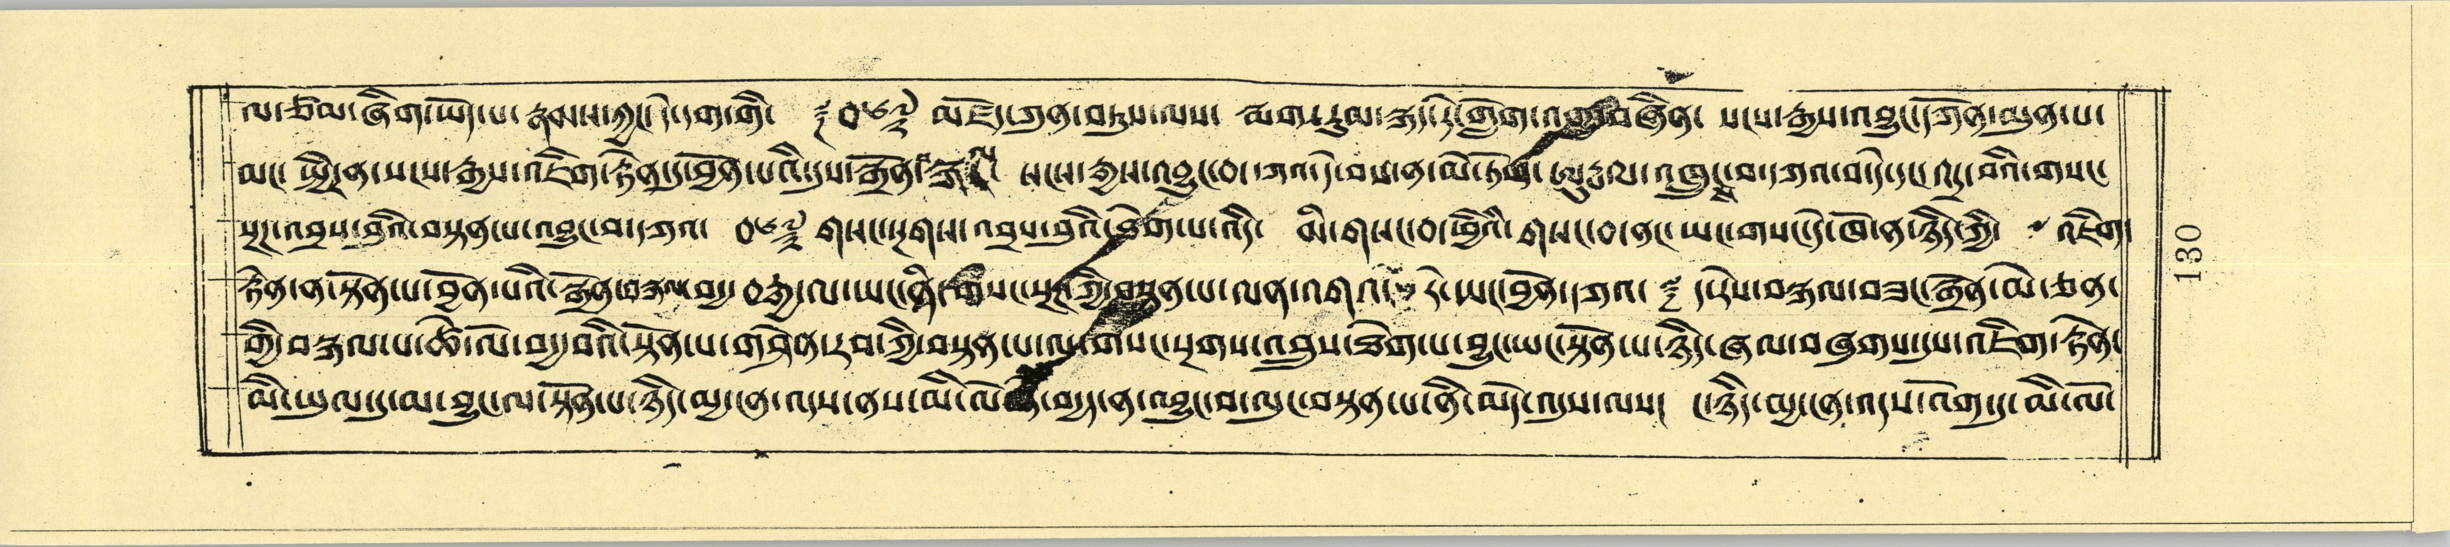ལ་ཙམ་ཞིག་ཡོད་པ་རྣམས་ཀྱང་དེ་དག་གི་ ༈བ༦༧།༢མཛོད་ཀུན་བཏུས་ལས། སྨག་རུམ་སྐད་རེ་གློག་འགྱུ་བཞིན། སངས་རྒྱས་འབྱུང་དཀོན་མུན་པ་
མང་། སྤྱིར་ན་སངས་རྒྱས་འཇིག་རྟེན་དུ་བྱོན་པའི་དུས་སྒྲོན་བསྐལ།༼སངས་རྒྱས་འབྱུང་བ༽དཀའ་དེ་བས་ན་མེ་ཏོག་༼ཨུཏྤལ༽འཁྲུངས་པ་དཀའ་བ་དེ་དང་༼འདྲ༽བའི་གསང་
སྔགས་འབྲས་བུའི་བསྟན་པ་འབྱུང་བ་དཀའ་བ༦༧།༣༼གསང་སྔགས༽འབྲས་བུའི་ཐེག་པ་འདི་༼མི་གསང་བ༽ཕྱི་ཡི་༼གསང་བ༽ནང་། ཡང་གསང་དེ་ཁོ་ན་ཉིད་ཀྱི། འཇིག་
རྟེན་ན་སྟོན་པ་བྱོན་པའི་སྒྲོན་བསྐལ་༼བརྒྱ་ལ་ཡང་ནི༽གསང་སྔགས་ཀྱི་བསྟན་པ་༼ལན་འགའ༽རེ་ཡང་བྱོན་དཀའ། ༈ ད་རེས་སྐལ་བཟང་སྒྲོན་མེ་ཅན་
གྱི་བསྐལ་པ་ཚེ་ལོ་བརྒྱ་པའི་སྟོན་པ་གཤེན་རབ་ཀྱི་བསྟན་པ་ལ་གསང་སྔགས་འབྲས་བུ་ཐེག་པ་བྱུང་ཡང་སྟོན་པ་ཉིད་ཞལ་བཞུགས་པའི་དུས་སུ་འཇིག་རྟེན་
མི་ཡུལ་དུ་མ་བྱུང་ལ་སྟོན་པ་ཉིད་མྱ་ངན་ལས་འདས་ནས་མི་ལོ་བརྒྱད་ན་འབྱུང་བ་ལུང་བསྟན་པ་ནི་མདོ་འདུས་ལས། ང་ནི་མྱ་ངན་འདས་འོག་ཏུ། མི་ལོ་